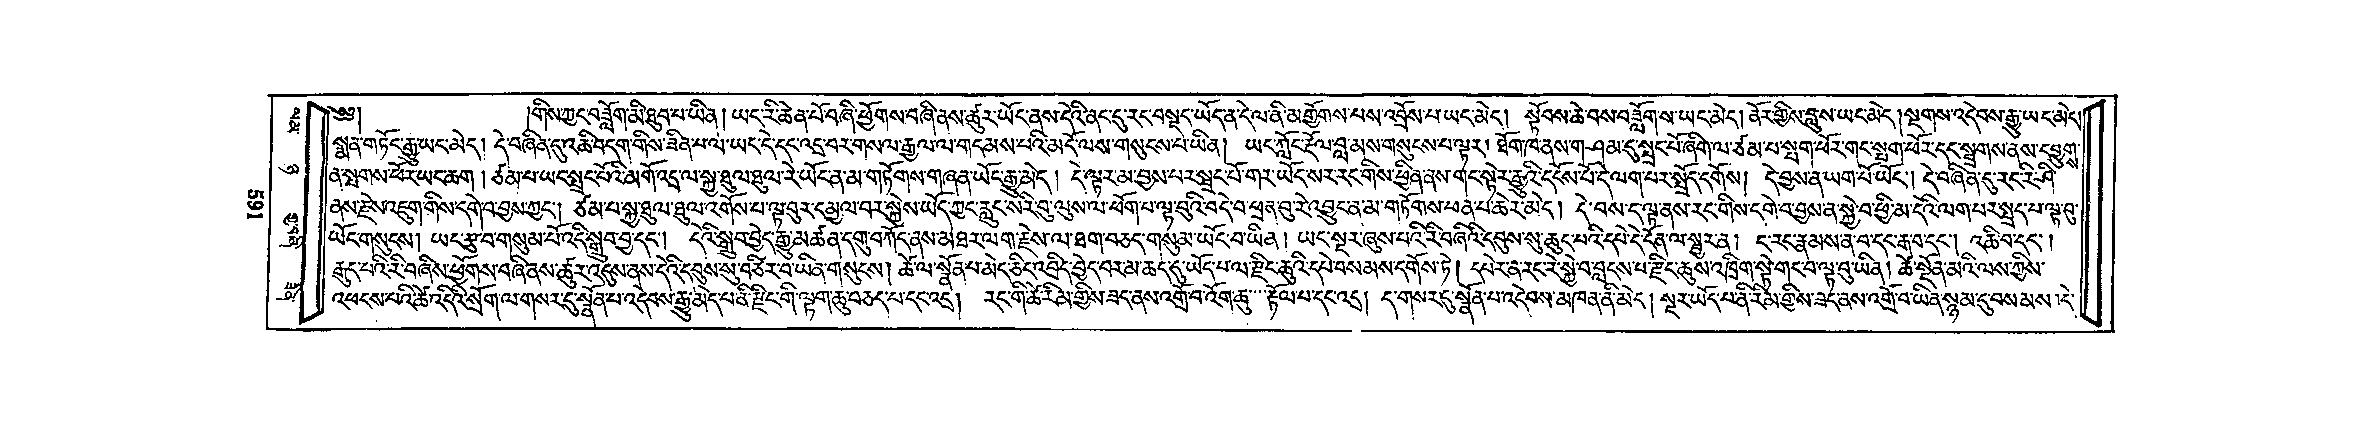༄༅། །གིས་ཀྱང་བཟློག་མི་ཐུབ་པ་ཡིན། ཡང་རི་ཆེན་པོ་བཞི་ཕྱོགས་བཞི་ནས་ཚུར་ཡོང་ནས་དེའི་ནང་དུ་རང་བསྡད་ཡོད་ན་དེ་ལ་ནི་མགྱོགས་པས་འབྲོས་པ་ཡང་མེད། སྟོབས་ཆེ་བས་བཟློག་ས་ཡང་མེད། ནོར་གྱིས་བླུ་ས་ཡང་མེད། སྔགས་འདེབས་རྒྱུ་ཡང་མེད་
སྨན་གཏོང་རྒྱུ་ཡང་མེད། དེ་བཞིན་དུ་འཆི་བདག་གིས་ཟིན་པ་ལ་ཡང་དེ་དང་འདྲ་བར་གསལ་རྒྱལ་ལ་གདམས་པའི་མདོ་ལས་གསུངས་པ་ཡིན། ཡང་ཀློང་རྡོལ་བླ་མས་གསུངས་པ་ལྟར། ཐོག་ཁ་ནས་གཤམ་དུ་སྤྲང་པོ་ཞིག་ལ་ཙམ་པ་སྤག་ཕོར་གང་སྤག་ཕོར་དང་སྦྲགས་ནས་དབྱུགས་
ན་སྤགས་ཕོར་ཡང་ཆག །ཙམ་པ་ཡང་སྤྲང་པོའི་མགོ་འདྲ་ལ་སྐྱ་ཐུལ་ཐུལ་རེ་ཡོང་ན་མ་གཏོགས་གཞན་ཡོང་རྒྱུ་མེད། དེ་ལྟར་མ་བྱས་པར་སྦྲང་པོ་གར་ཡོད་སར་རང་གིས་ཕྱིན་ནས་གང་སྟེར་རྒྱུའི་དངོས་པོ་དེ་ལག་པར་སྤྲོད་དགོས། དེ་བྱས་ན་ཡག་པོ་ཡོང་། དེ་བཞིན་དུ་རང་རི་ཤི་
ནས་རྗེས་འཇུག་གིས་དགེ་བ་བྱས་ཀྱང་། ཙམ་པ་སྐྱ་ཐུལ་ཐུལ་འགོས་པ་ལྟ་བུར་དམྱལ་བར་སྐྱེས་ཡོད་ཀྱང་རླུང་སིར་བུ་ལུས་ལ་ཕོག་པ་ལྟ་བུའི་བདེ་བ་ཕྲན་བུ་རེ་འབྱུང་ན་མ་གཏོགས་ཕན་པ་ཆེར་མེད། དེ་བས་ད་ལྟ་ནས་རང་གིས་དགེ་བ་བྱས་ན་སྐྱེ་བ་ཕྱི་མ་དེའི་ལག་པར་སྤྲད་པ་ལྟ་བུ་
ཡོང་གསུངས། ཡང་རྩ་བ་གསུམ་པོ་འདི་སྒྲུབ་བྱ་དང་། དེའི་སྒྲུབ་བྱེད་རྒྱུ་མཚན་དགུ་བཀོད་ནས་མཐར་ལག་རྗེས་ལ་ཐག་བཅད་གསུམ་ཡོང་བ་ཡིན། ཡང་སྔར་ཞུས་པའི་རི་བཞིའི་དབུས་སུ་ཆུད་པའི་དཔེ་དེ་དོན་ལ་སྦྱར་ན། ང་རང་རྣམས་ན་བ་དང་རྒ་བ་དང་། འཆི་བ་དང་།
རྒུད་པའི་རི་བཞིས་ཕྱོགས་བཞི་ནས་ཚུར་འདུས་ནས་དེའི་དབུས་སུ་བཙིར་བ་ཡིན་གསུངས། ཚེ་ལ་སྣོན་པ་མེད་ཅིང་འབྲིད་བྱེད་བར་མ་ཆད་དུ་ཡོད་པ་ལ་རྫིང་ཆུའི་དཔེ་བསམས་དགོས་ཏེ། དཔེར་ན་རང་རེ་སྐྱེ་བ་བླངས་པ་རྫིང་ཆུས་འཁྲིག་སྟེ་གང་བ་ལྟ་བུ་ཡིན། ཚེ་སྔོན་མའི་ལས་ཀྱིས་
འཕངས་པའི་ཚེ་འདིའི་སྲོག་ལ་གསར་དུ་སྣོན་པ་འདེབས་རྒྱུ་མེད་པ་ནི་རྫིང་གི་ལྟག་ཆུ་བཅད་པ་དང་འདྲ། རང་གི་ཚེ་རིམ་གྱིས་ཟད་ནས་འགྲོ་བ་འོག་ཆུ་རྟོལ་པ་དང་འདྲ། ད་གསར་དུ་སྣོན་པ་འདེབས་མཁན་ནི་མེད། སྔར་ཡོད་པ་ནི་རིམ་གྱིས་ཟད་ནས་འགྲོ་བ་ཡིན་སྙམ་དུ་བསམས། དེ་